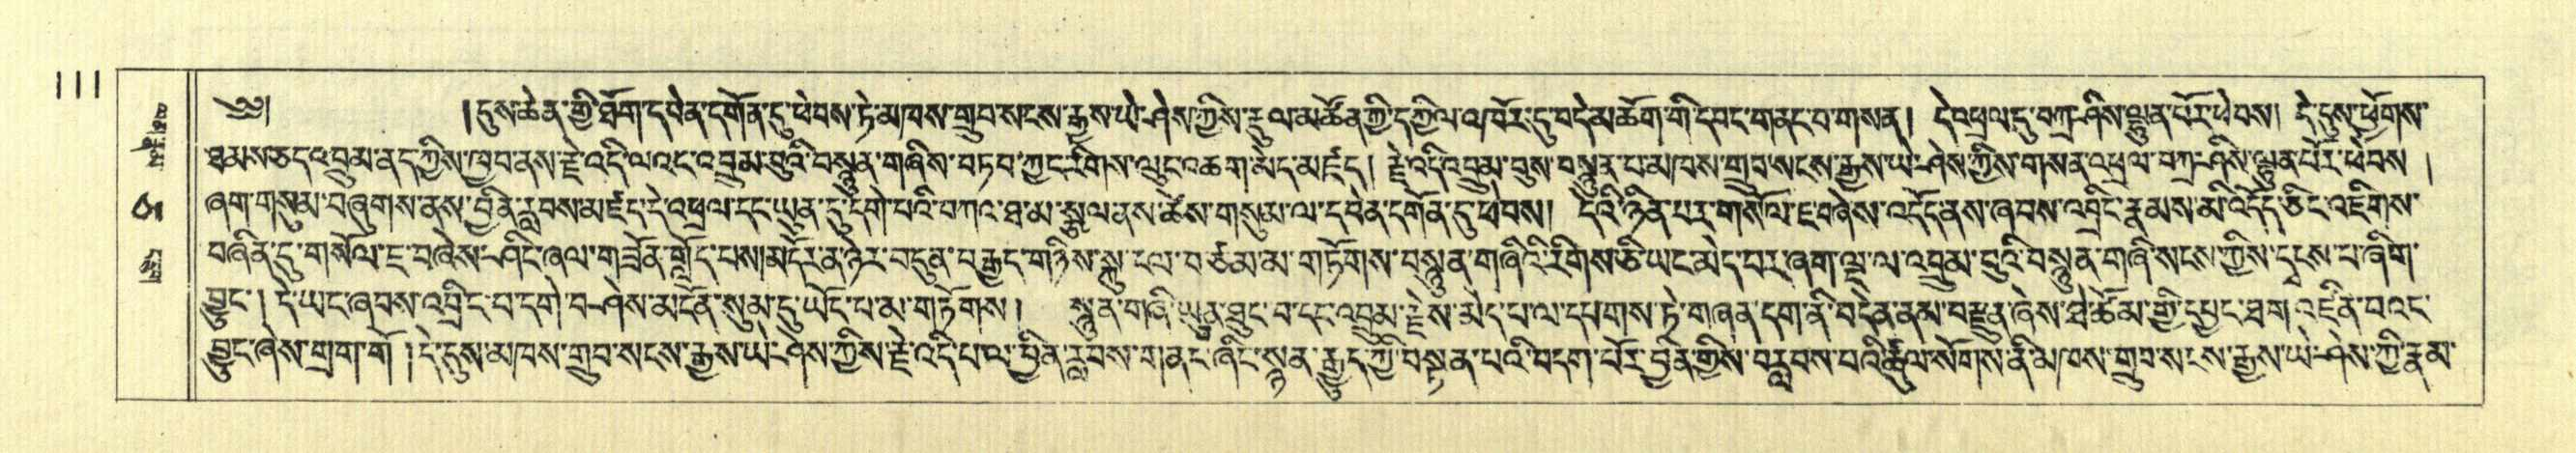༄༅། །དུས་ཆེན་གྱི་ཐོག་དབེན་དགོན་དུ་ཕེབས་ཏེ་མཁས་གྲུབ་སངས་རྒྱས་ཡེ་ཤེས་ཀྱིས་རྡུལ་མཚོན་གྱི་དཀྱིལ་འཁོར་དུ་བདེ་མཆོག་གི་དབང་གནང་བ་གསན། དེ་འཕྲལ་དུ་བཀྲ་ཤིས་ལྷུན་པོར་ཕེབས། དེ་དུས་ཕྱོགས་
ཐམས་ཅད་འབྲུམ་ནད་ཀྱིས་ཁྱབ་ནས་རྗེ་འདི་ལའང་འབྲུམ་བུའི་བསྙུན་གཞིས་བཏབ་ཀྱང་རིགས་ལུང་འཆག་མེད་མཛད། རྗེ་འདི་འབྲུམ་བུས་བསྙུན་པ་མཁས་གྲུབ་སངས་རྒྱས་ཡེ་ཤེས་ཀྱིས་གསན་འཕྲལ་བཀྲ་ཤིས་ལྷུན་པོར་ཕེབས།
ཞག་གསུམ་བཞུགས་ནས་བྱིན་རླབས་མཛད་དེ་འཕྲལ་དང་ཡུན་དུ་དགེ་པའི་བཀའ་ཐ་མ་སྩལ་ནས་ཚེས་གསུམ་ལ་དབེན་དགོན་དུ་ཕེབས། དེའི་ཉིན་པར་གསོལ་ཇ་བཞེས་འདོད་ནས་ཞབས་འབྲིང་རྣམས་མི་འདོད་ཅིང་འཇིགས་
བཞིན་དུ་གསོལ་ཇ་བཞེས་ཤིང་ཞལ་གཟོན་གློད་པས། མདོར་ན་ཉེར་བདུན་བརྒྱད་གཉིས་སྐུ་ངལ་བ་ཙམ་མ་གཏོགས་བསྙུན་གཞིའི་རིགས་ཅི་ཡང་མེད་པར་ཞག་ལྔ་ལ་འབྲུམ་བུའི་བསྙུན་གཞི་སངས་ཀྱིས་དྭངས་པ་ཞིག་
བྱུང་།དེ་ཡང་ཞབས་འབྲིང་བ་དགེ་བཤེས་མངོན་སུམ་དུ་ཡོད་པ་མ་གཏོགས། སྙུན་གཞི་ཡུན་ཐུང་བ་དང་འབྲུམ་རྗེས་མེད་པ་ལ་དཔགས་ཏེ་གཞན་དག་ནི་བདེན་ནམ་བརྩུན་ཞེས་ཐེ་ཚོམ་གྱི་དཔྱད་ཐག་འཛིན་པའང་
བྱུང་ཞེས་གྲགས་གོ །དེ་དུས་མཁས་གྲུབ་སངས་རྒྱས་ཡེ་ཤེས་ཀྱིས་རྗེ་འདི་པ་ལ་བྱིན་རླབས་གནང་ཞིང་སྙན་རྒྱུད་ཀྱི་བསྟན་པའི་བདག་པོར་བྱིན་གྱིས་བརླབས་པའི་ཚུལ་སོགས་ནི་མཁས་གྲུབ་སངས་རྒྱས་ཡེ་ཤེས་ཀྱི་རྣམ་